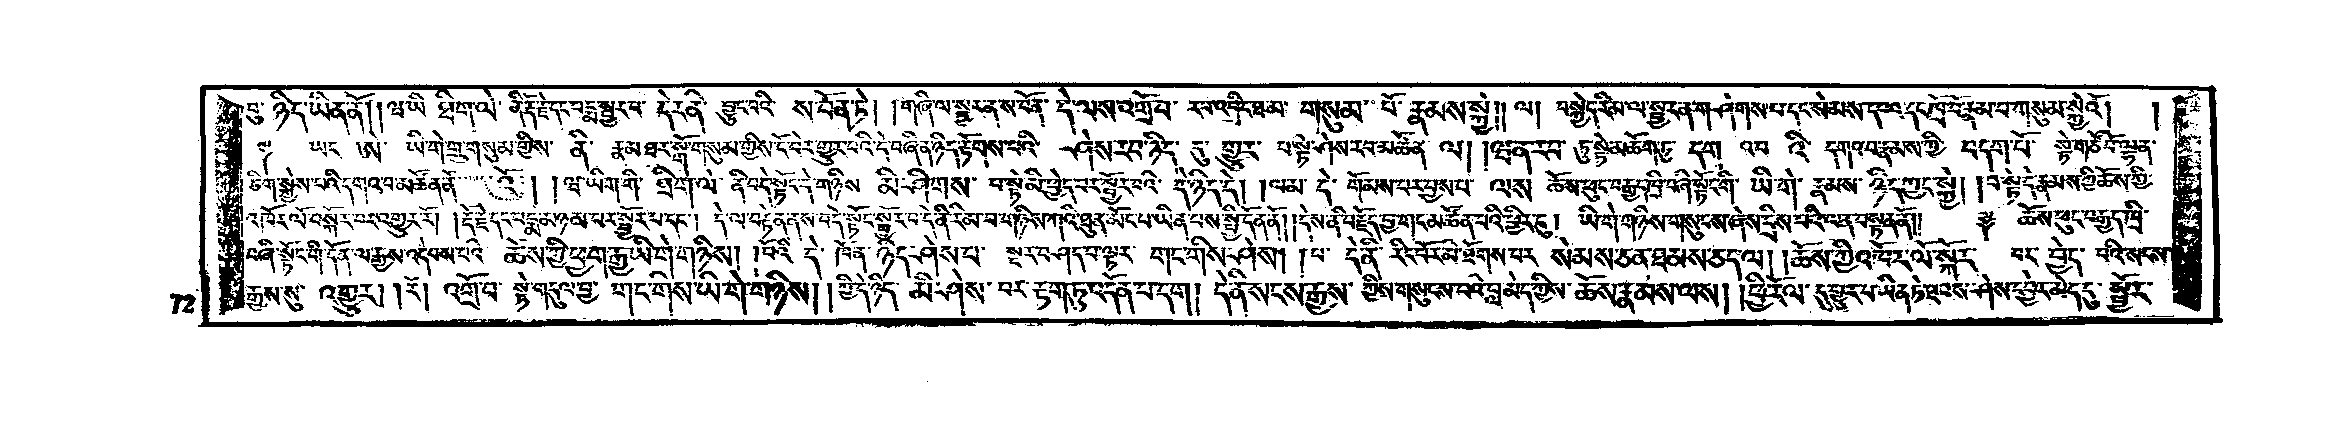བུ་ཉིད་ཡིན་ནོ། །ཝ་ཡི་ཐིག་ལེ་ནི་རྡོ་རྗེ་དང་པདམ་སྦྱར་བ་དེར་ནི་བྱུང་བའི་ས་བོན་ཏེ། །གཞི་ལ་སྦྱར་ན་ས་བོན་དེ་ལས་འགྲོ་བ་རབ་འབྲིང་ཐ་མ་གསུམ་པོ་རྣམས་སྐྱེ། །ལ། བསྐྱེད་རིམ་ལ་སྦྱར་ན་གཤེགས་པ་དང་སེམས་དཔའ་དང་ཁྲོ་བོ་རྣམ་པ་གསུམ་སྐྱེའོ། །
༈ ཡང་ཨེ་ཡི་གེ་གྲུ་གསུམ་གྱིས་ནི་རྣམ་ཐར་སྒོ་གསུམ་གྱིས་ངོ་བོར་གྱུར་པའི་དེ་བཞིན་ཉིད་རྟོགས་པའི་ཤེས་རབ་ཉིད་དུ་གྱུར་པ་སྟེ་ཤེས་རབ་མཚོན་ལ། །ཝ་ན་རབ་ཏུ་སྟེ་མཆོག་ཏུ་དགའ་བའི་དགའ་བ་རྣམས་ཀྱི་བདག་པོ་སྟེ་གཙོ་བོ་ལྷན་
ཅིག་སྐྱེས་པའི་དགའ་བ་མཚོན་ནོ་འོ། །ཝ་ཡིག་གི་ཐིག་ལེ་ནི་བདེ་སྟོང་དེ་གཉིས་མི་ཤིགས་པ་སྟེ་མི་ཕྱེད་པར་སྦྱོར་བའི་དེ་ཉིད་དེ། །ལམ་དེ་གོམས་པར་བྱས་པ་ལས་ཆོས་ཕུང་བརྒྱད་ཁྲི་བཞི་སྟོང་གི་ཡི་གེ་རྣམས་ཉིད་ཀྱང་སྐྱེ། །བ་སྟེ་དེ་རྣམས་ཀྱི་ཆོས་ཀྱི་
འཁོར་ལོ་བསྐོར་བར་འགྱུར་རོ། །རྡོ་རྗེ་དང་པདམ་མཉམ་པར་སྦྱོར་བ་དང་། དེ་ལ་བརྟེན་ནས་བདེ་སྟོང་སྦྱོར་བ་དེ་ནི་རིམ་པ་གཉིས་ཀའི་ཐུན་མོང་པ་ཡིན་པས་སྤྱི་དོན་ནོ། །དེས་ནི་བརྗོད་བྱ་གང་མཚོན་པའི་ཕྱིར་དུ། ཡི་གེ་གཉིས་གསུངས་ཞེས་དྲིས་པའི་ལན་བསྟན་ནོ།། ༈ ཆོས་ཕུང་བརྒྱད་ཁྲི་
བཞི་སྟོང་གི་དོན་ལ་རྒྱས་འདེབས་པའི་ཆོས་ཀྱི་ཕྱག་རྒྱ་ཡི་གེ་གཉིས། །པོའི་དེ་དེ་ཁོ་ན་ཉིད་ཤེས་པ་སྔར་བཤད་པ་ལྟར་གང་གིས་ཤེས། །པ་དེ་ནི་རིང་པོར་མི་ཐོགས་པར་སེམས་ཅན་ཐམས་ཅད་ལ། །ཆོས་ཀྱི་འཁོར་ལོ་སྐོར་པར་བྱེད་པའི་སངས་
རྒྱས་སུ་འགྱུར། །རོ། འགྲོ་བ་སྟེ་གདུལ་བྱ་གང་གིས་ཡི་གེ་གཉིས། །ཀྱི་དེ་ཉིད་མི་ཤེས་བར་རྟག་ཏུ་འདོན་པ་དག །དེ་ནི་སངས་རྒྱས་ཀྱིས་གསུངས་པའི་བླ་མེད་ཀྱིས་ཆོས་རྣམས་ལས། །ཕྱི་རོལ་དུ་གྱུར་པ་ཡིན་ཏེ་ཐབས་ཤེས་དབྱེར་མེད་དུ་སྦྱོར་